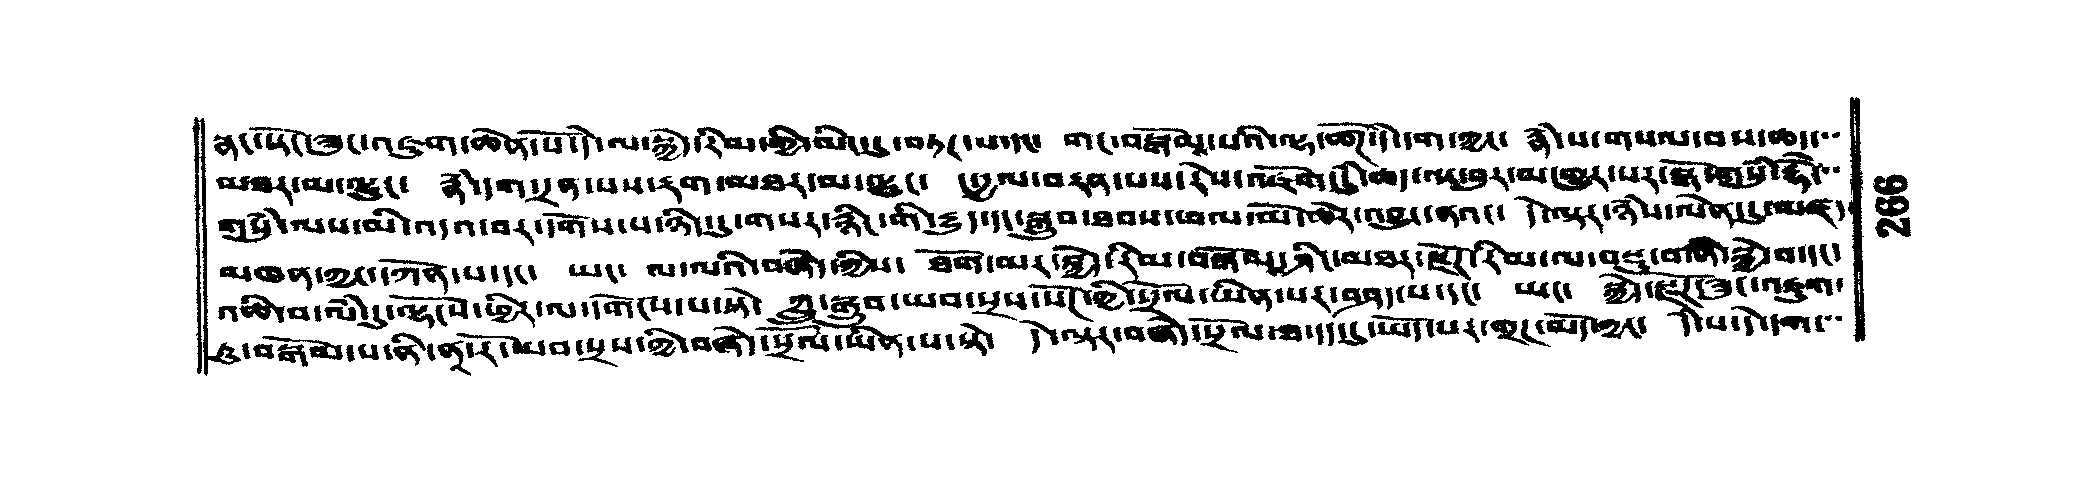སྣང་སྟོང་ཟུང་འཇུག་ཆེན་པོ་དེ་ལ་བསྐྱེད་རིམ་གྱི་མིང་དུ་བཏགས་པ་དང་། གང་བསྒོམས་པའི་ལྷ་ཚོགས་དེ་དག་ཀྱང་། རྣམ་པ་གསལ་བས་ཆད་
མཐར་མ་ལྷུང་། རྣམ་དག་དྲན་པས་རྟག་མཐར་མ་ལྷུང་། ང་རྒྱལ་བརྟན་པས་རེས་འཇོག་དུམ་ཆད་ལྟ་བུར་མ་གྱུར་པར་སྒོ་གསུམ་རྡོ་རྗེ་
གསུམ་ལས་མི་འདའ་བར་དགོས་པ་ཉིད་དུ་གསར་རྙིང་གི་རྒྱུད་དང་སྒྲུབ་ཐབས་ཕལ་མོ་ཆེར་འབྱུང་ནའང་། དེ་ལྟར་ཉམས་ལེན་དུ་མཛད་
མཁན་ཀྱང་དཀོན་པ་དང་། ཡང་། ལ་ལའི་བཞེད་ཀྱིས། ཐོག་མར་བསྐྱེད་རིམ་བསྒོམ་ཤིང་མཐར་རྫོགས་རིམ་ལ་བསྡུ་བ་ནི་སྐྱེ་བ་དང་། 
འཆི་བ་ལམ་དུ་ལྷོངས་ཕྱིར་ལ་དགོངས་པ་སྟེ། ཀླུ་སྒྲུབ་ཡབ་སྲས་སོགས་ཀྱི་སྲོལ་ཡིན་པར་བཤད་པ་དང་། ཡང་། བསྐྱེད་རྫོགས་ཟུང་འཇུག་
ཏུ་བསྒོམ་པ་ནི་ནཱ་རོ་ཡབ་སྲས་ཀྱི་བཞེད་སྲོལ་ཡིན་པ་སྟེ། དེ་ལྟར་བཞེད་སྲོལ་ཐ་དད་དུ་ཡོད་པར་གྲགས་མོད་ཀྱང་། དམ་པ་དེ་དག་